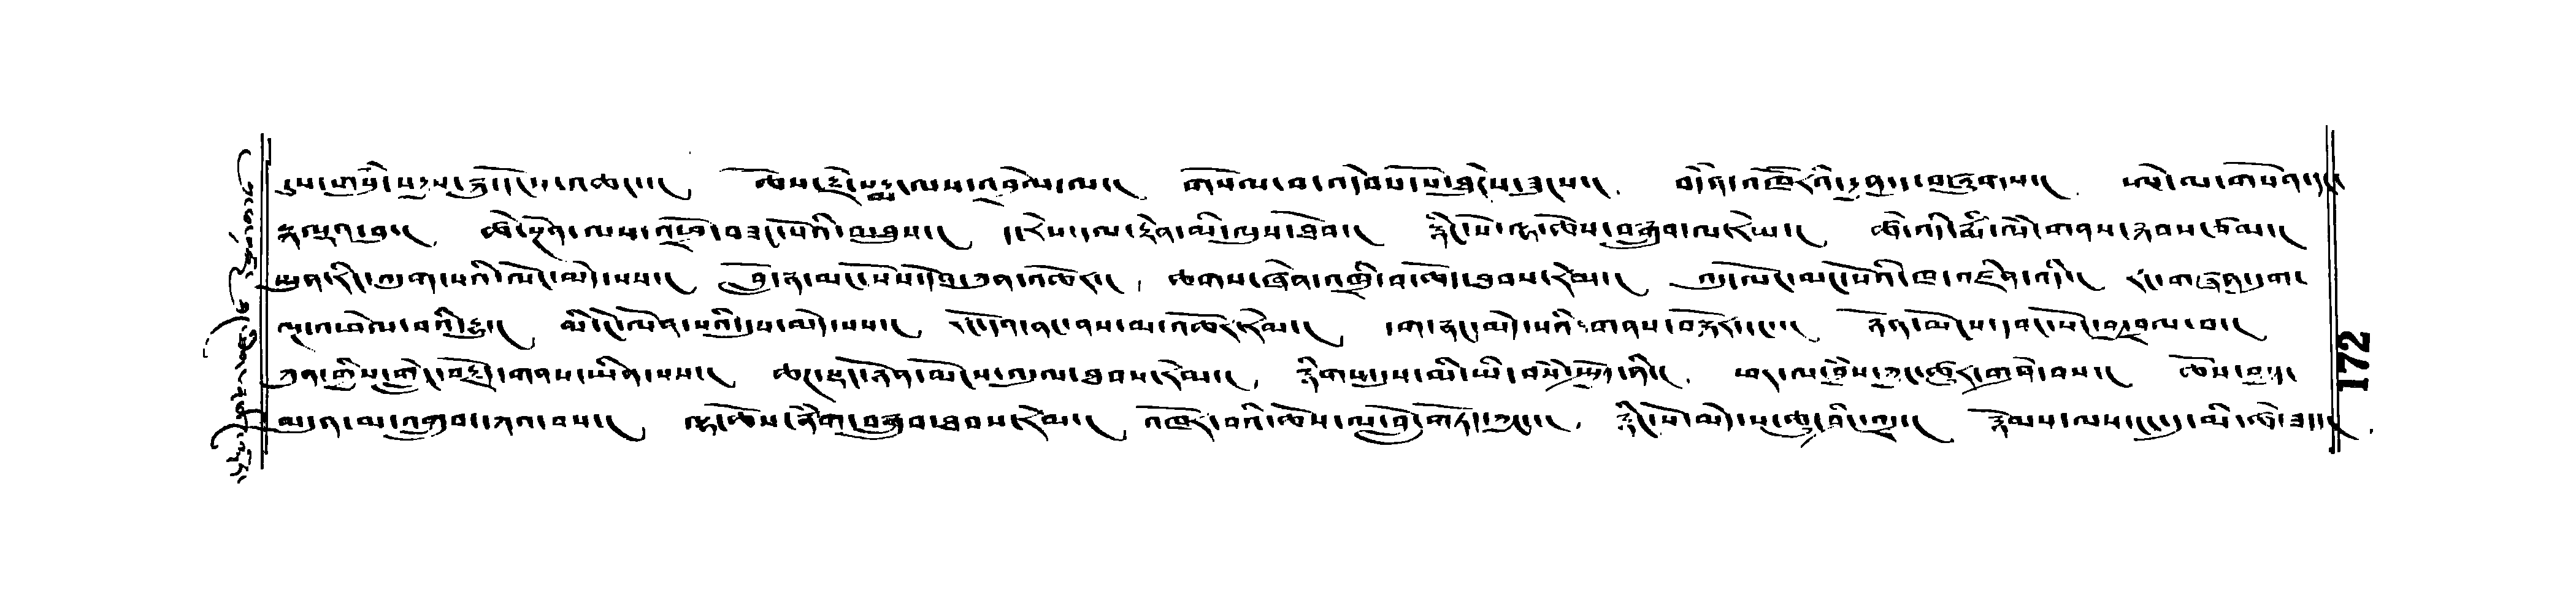༈ དུས་གསུམ་སངས་རྒྱས་སྐུ་དངོས་འཆང་། །ཆོས་རྗེ་པདྨ་ལས་འབྲེལ་ལ། །གསོལ་བ་འདེབས་སོ་ཐུགས་རྗེས་ཟུངས། །བདེ་ཆེན་འཁོར་ལོའི་རྒྱན་དུ་བཞུགས། །ཨེ་མ་གསོན་དང་
སྐལ་ལྡན་བུ། །ཚེ་སྔོན་ལས་འཕྲོ་བཟང་པོའི་མཐུས། །ད་རེས་དལ་རྟེན་མི་ལུས་ཐོབ། །སྙིང་པོའི་ལྷ་ཆོས་བསྒྲུབ་ལ་རེམ། །ཚེ་འདི་རྨི་ལམ་གནས་སྐབས་ཙམ། །
ཡུན་རིང་འདུག་པའི་ལོང་མེད་པས། །བློ་སྣ་མང་པོས་དོན་ཀུན་འཆོར། །ཆགས་ཞེན་འཁྲི་བ་ཆོད་ཐབས་རེམ། །འདུ་ལོང་མང་པོའི་ཁ་འཛིན་འདི། །རང་གཞན་དུག་
ལྔ་འཕེལ་བའི་རྒྱུ། །མི་ངོ་ལོན་པའི་དུས་མེད་པས། །རང་དོན་ནང་ནས་མ་འཆོར་རེམ། །དག་སྣང་མེད་པའི་གནས་བསྐོར་དང་། །ཉོན་མོངས་དབང་སོང་བྱ་བྲལ་བ། །
ཀུན་གྱིས་གླེང་བརྗོད་གནས་ཡིན་པས། །ཆགས་སྡང་ཉོན་མོངས་འདུལ་ཐབས་རེམ། །སྙིགས་དུས་མི་ཡི་བསམ་སྤྱོད་ནི། །ཕར་ལ་བྱམས་ཀྱང་ཚུར་གཤེ་བས། །ཆོས་བརྒྱད་
མདུན་མ་འགྲུབ་དཀའ་བས། །ལྷ་ཆོས་རྣམ་དག་བསྒྲུབ་ཐབས་རེམ། །འཁོར་བའི་ཆོས་ལ་བློ་གཏད་ཀྱང་། །སྙིང་པོ་མེད་པ་ཆུ་ཤིང་འདྲ། །སྙོམས་ལས་ངང་དུ་མི་ཚེ་ཟད།